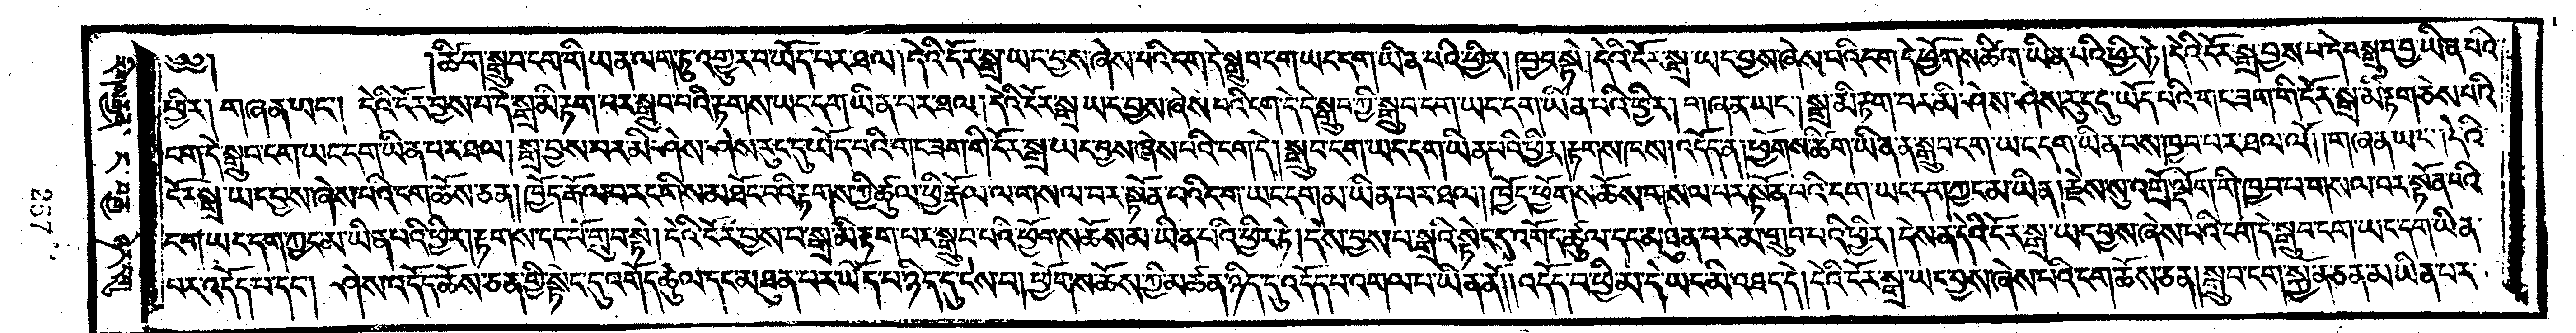༄༅། །ཚིག་སྒྲུབ་ངག་གི་ཡན་ལག་ཏུ་འགྱུར་བ་ཡོད་པར་ཐལ། དེའི་ངོར་སྒྲ་ཡང་བྱས་ཞེས་པའི་ངག་དེ་སྒྲུབ་ངག་ཡང་དག་ཡིན་པའི་ཕྱིར། ཁྱབ་སྟེ། དེའི་ངོར་སྒྲ་ཡང་བྱས་ཞེས་པའི་ངག་དེ་ཕྱོགས་ཚིག་ཡིན་པའི་ཕྱིར་ཏེ། དེའི་ངོར་སྒྲ་བྱས་པ་དེ་བསྒྲུབ་བྱ་ཡིན་པའི་
ཕྱིར། གཞན་ཡང་། དེའི་ངོར་བྱས་པ་དེ་སྒྲ་མི་རྟག་པར་སྒྲུབ་པའི་རྟགས་ཡང་དག་ཡིན་པར་ཐལ། དེའི་ངོར་སྒྲ་ཡང་བྱས་ཞེས་པའི་ངག་དེ་དེ་སྒྲུབ་ཀྱི་སྒྲུབ་ངག་ཡང་དག་ཡིན་པའི་ཕྱིར། གཞན་ཡང་། སྒྲ་མི་རྟག་པར་མི་ཤེས་ཤེས་རུང་དུ་ཡོད་པའི་གང་ཟག་གི་ངོར་སྒྲ་མི་རྟག་ཅེས་པའི་
ངག་དེ་སྒྲུབ་ངག་ཡང་དག་ཡིན་པར་ཐལ། སྒྲ་བྱས་བར་མི་ཤེས་ཤེས་རུང་དུ་ཡོད་པའི་གང་ཟག་གི་ངོར་སྒྲ་ཡང་བྱས་ཞེས་པའི་ངག་དེ། སྒྲུབ་ངག་ཡང་དག་ཡིན་པའི་ཕྱིར། རྟགས་ཁས། འདོད་ན། ཕྱོགས་ཚིག་ཡིན་ན་སྒྲུབ་ངག་ཡང་དག་ཡིན་པས་ཁྱབ་པར་ཐལ་ལོ། །གཞན་ཡང་། དེའི་
ངོར་སྒྲ་ཡང་བྱས་ཞེས་པའི་ངག་ཆོས་ཅན། ཁྱོད་རྒོལ་བ་རང་གིས་མཐོང་བའི་རྟགས་ཀྱི་ཚུལ་ཕྱི་རྒོལ་ལ་གསལ་བར་སྟོན་པའི་ངག་ཡང་དག་མ་ཡིན་པར་ཐལ། ཁྱོད་ཕྱོགས་ཆོས་གསལ་བར་སྟོན་པའི་ངག་ཡང་དག་ཀྱང་མ་ཡིན། རྗེས་སུ་འགྲོ་ལྡོག་གི་ཁྱབ་པ་གསལ་བར་སྟོན་པའི་
ངག་ཡང་དག་ཀྱང་མ་ཡིན་པའི་ཕྱིར། རྟགས་དང་པོ་གྲུབ་སྟེ། དེའི་ངོར་བྱས་པ་སྒྲ་མི་རྟག་པར་སྒྲུབ་པའི་ཕྱོགས་ཆོས་མ་ཡིན་པའི་ཕྱིར་ཏེ། དེས་བྱས་པ་སྒྲའི་སྟེང་དུ་འགོད་ཚུལ་དང་མཐུན་པར་མ་གྲུབ་པའི་ཕྱིར། དེས་ན་དེའི་ངོར་སྒྲ་ཡང་བྱས་ཞེས་པའི་ངག་དེ་སྒྲུབ་ངག་ཡང་དག་ཡིན་
པར་འདོད་པ་དང་། ཤེས་འདོད་ཆོས་ཅན་གྱི་སྟེང་དུ་འགོད་ཚུལ་དང་མཐུན་པར་ཡོད་པ་ཉིད་དུ་ངེས་པ། ཕྱོགས་ཆོས་ཀྱི་མཚན་ཉིད་དུ་འདོད་པ་འགལ་བ་ཡིན་ནོ། །འདོད་པ་ཕྱི་མ་དེ་ཡང་མི་འཐད་དེ། དེའི་ངོར་སྒྲ་ཡང་བྱས་ཞེས་པའི་ངག་ཆོས་ཅན། སྒྲུབ་ངག་སྐྱོན་ཅན་མ་ཡིན་པར་